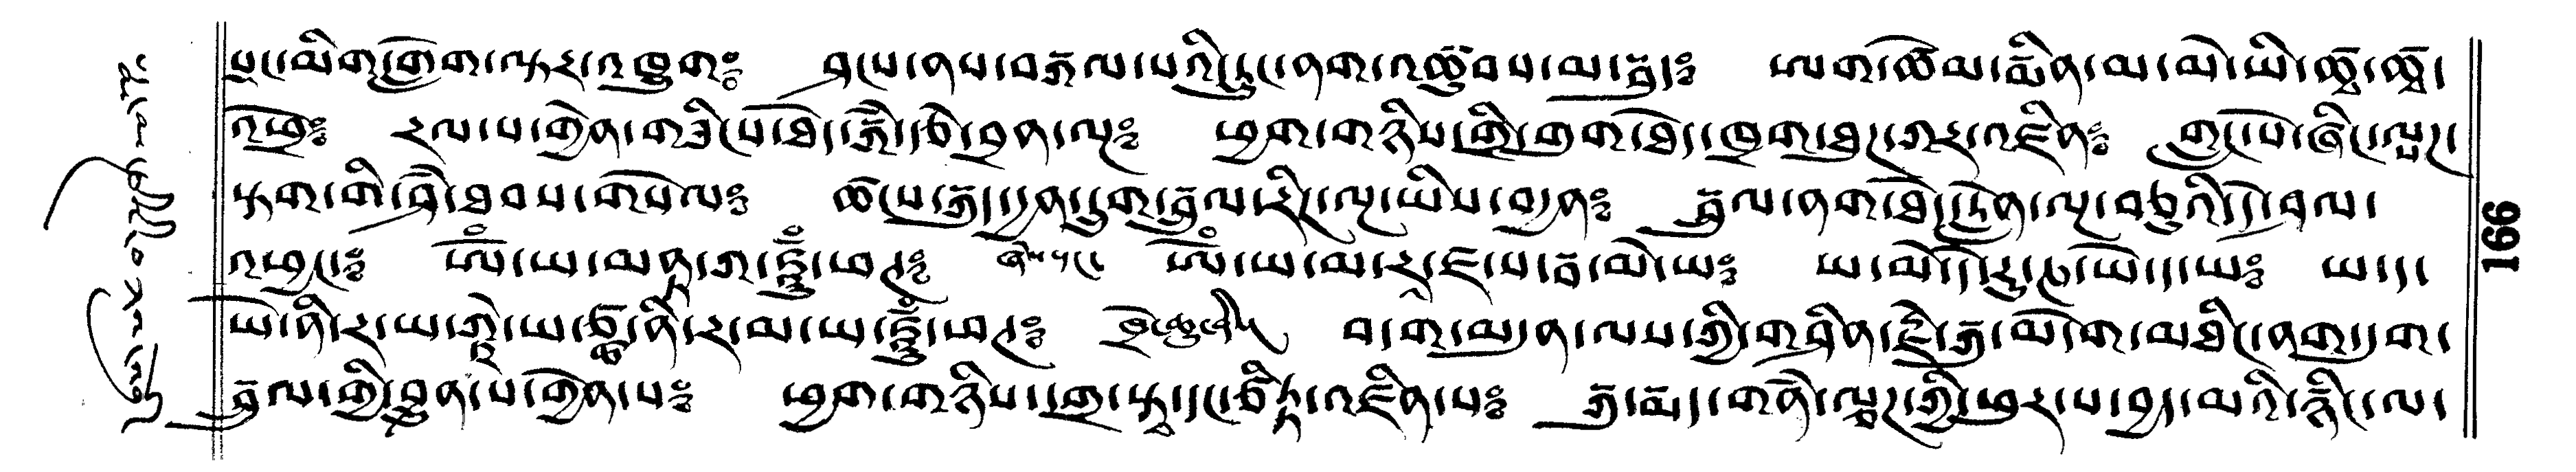སྡང་མིག་གློག་ལྟར་འཁྱུག༔ ཤངས་ནས་བསྐལ་པའི་རླུང་ནག་འཚུབས་མ་སྦུད༔ ཨག་ཚོམ་སྨིན་མ་མེ་ཡི་ཚྭ་ཚྭ་
འཕྲོ༔ རལ་པ་གྱེན་གཟིངས་ཐོད་སྐམ་རྩེ་བྲན་ལྔ༔ ཕྱག་གཉིས་གྲི་གུག་ཐོད་ཁྲག་ཐུགས་ཀར་འཛིན༔ གླང་པོ་ཞིང་ལྤགས་
སྟག་གི་ཤམ་ཐབས་གསོལ༔ ཚངས་སྐུད་རྒྱན་དྲུག་སྦྲུལ་རིགས་ལྔ་ཡིས་བརྒྱན༔ སྦྲུལ་ནག་ཐོད་རློན་ལྔ་བཅུའི་དོ་ཤལ་
འཕྱང༔ ཨོཾ་ཡ་མནྟ་ཀ་ཧཱུྃ་ཕཊ༔ ཞེས་དང་། ཨོཾ་ཡ་མ་རཱ་ཛ་པརྦ་མེ་ཡ༔ ཡ་མ་དེ་རུ་ཎ་ཡེ་ད་ཡ༔ ཡ་ད་
ཡོ་ནི་ར་ཡ་ཀྵེ་ཡཙྪ་ནི་ར་མ་ཡ་ཧཱུྃ་ཕཊ༔ ཁྲོ་ཆུ་ནི། བདག་མདུན་ལས་ཀྱི་གཤིན་རྗེ་སྐུ་མདོག་མཐིང་ནག་དུག་
སྦྲུལ་གྱི་ཤུན་པ་གྱོན་པ༔ ཕྱག་གཉིས་དགྲ་སྟྭ་དང་ཙིཏྟ་འཛིན་པ༔ སྐུ་སྨད་གནམ་ལྕགས་ཀྱི་ཕུར་པ་བྱད་མའི་སྙིང་ལ་